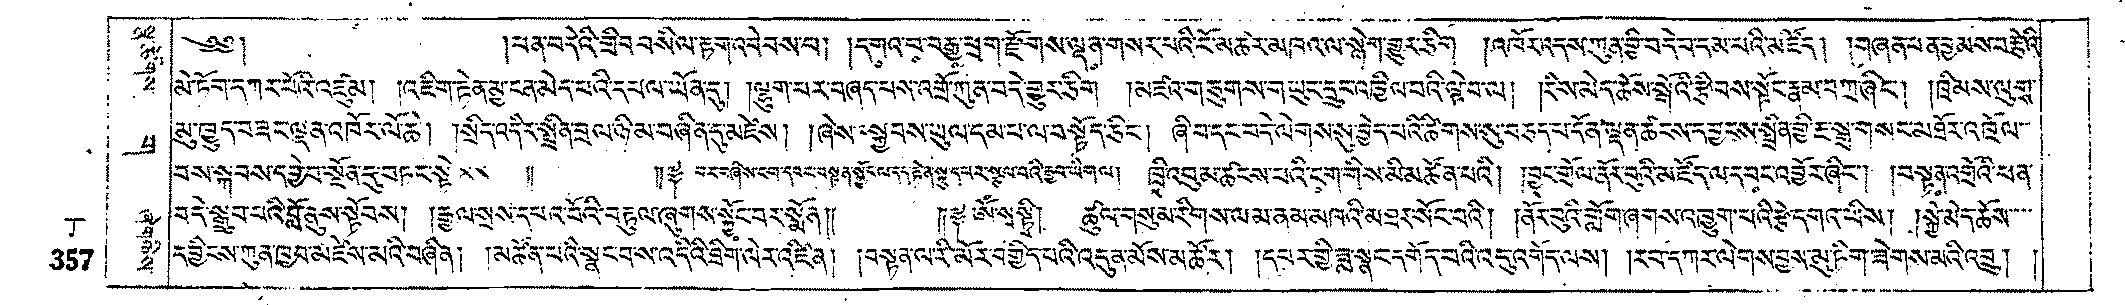༄༅། །ཕན་བདེའི་གྲིབ་བསིལ་རྟག་འབེབས་པ། །དགའ྾་བ྾་བརྒྱ྾་ཕྲག་རྫོགས་ལྡན྾་གསར་པའི་ངོ་མཚར་མཁའ་ལ་སྙེག་གྱུར་ཅིག །འཁོར་འདས་ཀུན་གྱི་བདེ་བ་དམ་པའི་མཛོད། །གཞན་ཕན་བྱམས་བརྩེའི་
མེ་ཏོག་དཀར་པོའི་འཛུམ། །འཇིག་རྟེན་མྱ་ངན་མེད་པའི་དཔལ་ཡོན་དུ། །ལྷུག་པར་བཞད་པས་འགྲོ་ཀུན་བདེ་གྱུར་ཅིག །མཛའ་གཅུགས་གཡུང་དྲུང་འཁྱིལ་བའི་ལྟེ་བ་ལ། །རིས་མེད་ཆོས་སྒོའི་རྩིབས་སྟོང་རྣམ་བཀྲ་ཞིང་། །ཁྲིམས་ལུགས་
མུ་ཁྱུད་བཟང་ལྡན་འཁོར་ལོ་ཆེ། །སྲིད་འདིར་སྤྲིན་བྲལ་ཉི་མ་བཞིན་དུ་མཛེས། །ཞེས ༧སྐྱབས་ཡུལ་དམ་པ་ལ་བསྟོད་ཅིང་། ཞི་བ་དང་བདེ་ལེགས་སུ་བྱེད་པའི་ཚིགས་སུ་བཅད་པ་དོན་ལྡན་ཚངས་དབྱངས་སྤྲིན་གྱི་རྔ་སྒྲ་གསང་མཐོར་འཁྲོལ་་་
བས་སྐབས་དབྱེ་བ་སྔོན་དུ་བཏང་སྟེ་྾་྾་།། །།འ་བར་གཞིས་ངག་དབང་བསྟན་སྐྱོང་ལ་དད་རྟེན་སྐུ་དཔར་སྩལ་བའི་རྒྱབ་ཡིག་ལ།  ཁྲི྾་འབུམ་ཚངས་པའི་ངག྾་གིས་མི་མཚོན་པའི། །བྱང྾་གྲོལ་ནོར་བུའི་མཛོད་ལ་དབང྾་འབྱོར་ཞིང་། །བསྟན྾་འགྲོའི་ཕན་
བདེ་སྒྲུབ་པའི་བློ་ནུས་སྟོབས། །རྒྱལ་སྲས་དཔའ་བོའི་བརྟུལ་ཞུགས་སྐྱོང྾་བར་སྨོན།། །།འ་ཨོཾ་སྭསྟྭི། ཚུལ་གསུམ་རིགས་ལམ་ནམ་མཁའི་མཐར་སོང་བའི། །ནོར་བུའི་གློག་ཞགས་འཁྱུག་པའི་རྩེ་དགའ་ཡིས། །སྐྱེ་མེད་ཆོས་་་
དབྱིངས་ཀུན་ཁྱབ་མཛེས་མའི་བཞིན། །མཚོན་པའི་སྣང་བ་ས་འདིའི་ཐིག་ལེར་འཛིན། །བསྟན་ལ་རི་མོར་བགྱིད་པའི་འདུན་མོས་མཚོར། །དཔར་གྱི་ཟླ་སྣང་དགོད་པའི་འདུ་འགོད་ལས། །རབ་དཀར་ལེགས་བྱས་མུ་ཚིག་ཟེགས་མའི་འབྲུ། །